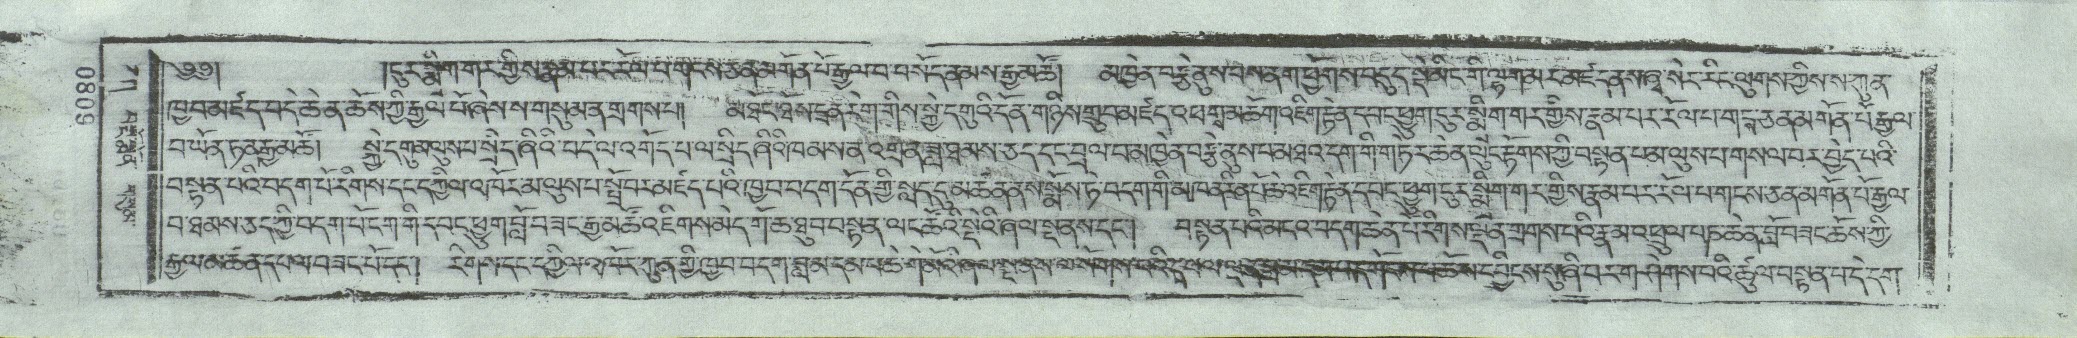༄༅། །དུར་སྨིག་གར་གྱིས་རྣམ་པར་རོལ་པ་གང་ཅན་མགོན་པོ་རྒྱལ་བ་བསོད་ནམས་རྒྱ་མཚོ། མཁྱེན་བརྩེ་ནུས་བས་ནག་ཕྱོགས་བདུད་སྡེ་མིང་གི་ལྷག་མར་མཛད་ནས་ཞྭ་སེར་རིང་ལུགས་ཀྱིས་ས་ཀུན་
ཁྱབ་མཛད་བདེ་ཆེན་ཆོས་ཀྱི་རྒྱལ་པོ་ཞེས་ས་གསུམ་ན་གྲགས་པ། མཐོང་ཐོས་དྲན་རེག་གིས་སྐྱེ་དགུའི་དོན་གཉིས་གྲུབ་མཛད་འཕགས་མཆོག་འཇིག་རྟེན་དབང་ཕྱུག་ངུར་སྨྲིག་གར་གྱིས་རྣམ་པར་རོལ་བ་གངས་ཅན་མགོན་པོ་རྒྱལ་
པ་ཡོན་ཏན་རྒྱ་མཚོ། སྐྱེ་དགུ་མ་ལུས་བསྲིད་ཞིའི་བདེ་ལ་འགོད་པ་ལ་སྲིད་ཞིའི་ཁམས་ན་འགྲན་ཟླ་ཐམས་ཅད་དང་བྲལ་བ་མཁྱེན་པ་བརྩེ་ནུས་པ་མཐའ་དག་གི་གཏེར་ཆེན་ལུང་རྟོགས་ཀྱི་བསྟན་པ་མ་ལུས་པ་གསལ་བར་བྱེད་པའི་
བསྟན་པའི་བདག་པོ་རིགས་དང་དཀྱིལ་འཁོར་མ་ལུས་པ་སྤྲོ་བར་མཛད་པའི་ཁྱབ་བདག་དོན་གྱི་སླད་དུ་མཚན་ནས་སྨོས་ཏེ་བདག་གི་མཁན་རིན་པོ་ཆེ་འཇིག་རྟེན་དབང་ཕྱུག་ངུར་སྨིག་གར་གྱིས་རྣམ་པར་རོལ་པ་གངས་ཅན་མགོན་པོ་རྒྱལ་
བ་ཐམས་ཅད་ཀྱི་བདག་པོ་ངག་གི་དབང་ཕྱུག་བློ་བཟང་རྒྱ་མཚོ་འཇིགས་མེད་གོ་ཆ་ཐུབ་བསྟན་ལང་ཚོའི་སྡེའི་ཞལ་སྔ་ནས་དང་། བསྟན་པའི་མངའ་བདག་ཆེན་པོ་རིགས་ལྡན་གྲགས་པའི་རྣམ་འཕྲུལ་པཎ་ཆེན་བློ་བཟང་ཆོས་ཀྱི་
རྒྱལ་མཚན་དཔལ་བཟང་པོ་དང་། རིགས་དང་དཀྱིལ་འཁོར་ཀུན་གྱི་ཁྱབ་བདག་བླ་མ་དམ་པ་ཆེ་གེ་མོའི་ཞལ་སྔ་ནས་ལ་སོགས་པའི་དཔལ་ལྡན་བླ་མ་དམ་པ་དགོངས་པ་ཆོས་དབྱིངས་སུ་ཞི་བར་གཤེགས་པའི་ཚུལ་བསྟན་པ་དེ་དག་